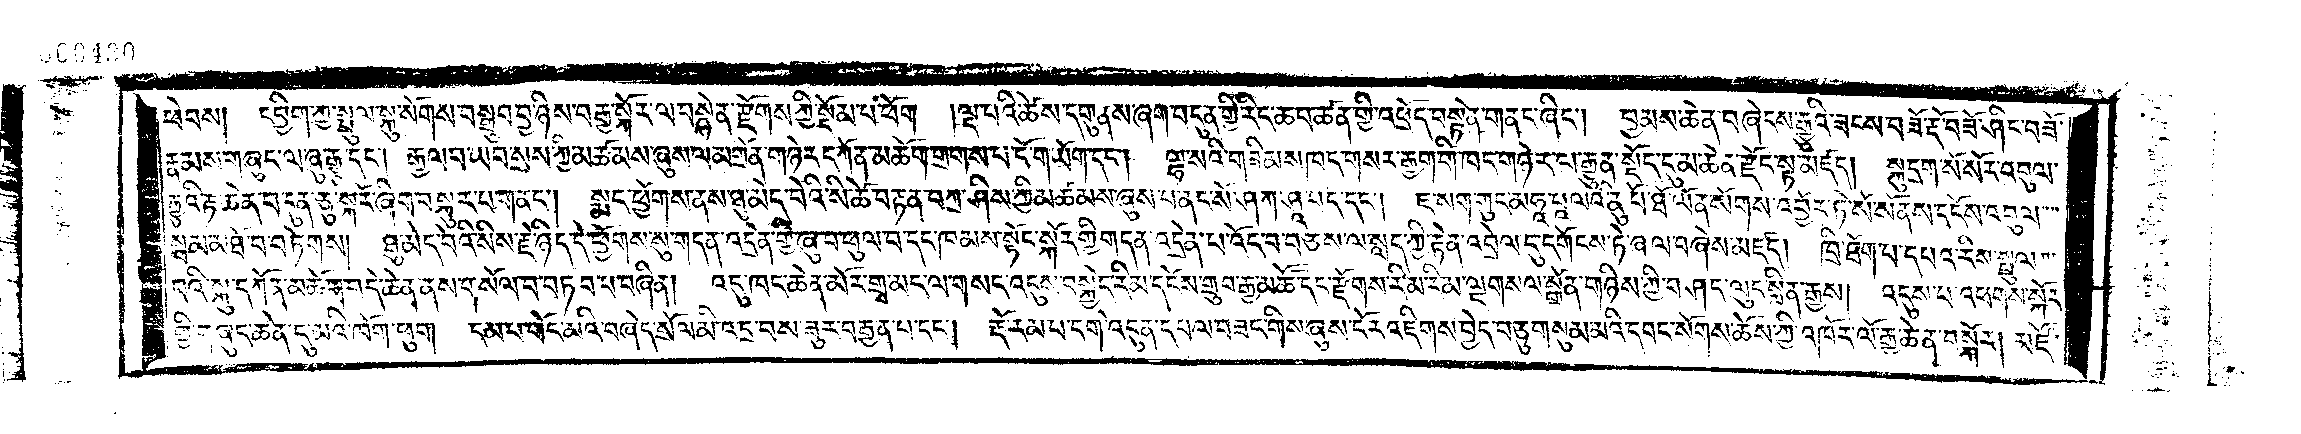ཕེབས། དབྱིག་ཀྱ་སྦྲུལ་སྐུ་སོགས་བསྒྲུབ་བྱ་ཉིས་བརྒྱ་སྐོར་ལ་བསྙེན་རྫོགས་ཀྱི་སྡོམ་པ་ཕོག །ལྔ་པའི་ཚེས་དགུ་ནས་ཞག་བདུན་གྱི་རིང་ཆབ་ཚན་གྱི་འཕྲོད་བསྟེན་གནང་ཞིང་། བྱམས་ཆེན་བཞེངས་རྒྱུའི་ཟངས་བཟོ་རྡོ་བཟོ་ཤིང་བཟོ་
རྣམས་གཞུང་ལ་ཞུ་རྒྱུ་དང་། རྒྱལ་བ་ཡབ་སྲས་ཀྱི་མཚམས་ཞུས་ལ་མགྲོན་གཉེར་དཀོན་མཆོག་གྲགས་པ་ངོ་གཡོག་དང་། ལྷ་སའི་གཟིམས་ཁང་གསར་རྒྱག་གི་ཁང་གཉེར་ལ་རྒྱུན་སྡོད་དུ་མ་ཆེན་རྫོང་སྟ་མཛད། སྐུ་དྲག་སོ་སོར་འབུལ་
རྒྱུའི་རྟ་ཆེན་བདུན་ཅུ་སྐོར་ཞིག་བསྐུར་བ་གནང་། སྨད་ཕྱོགས་ནས་ཐུ་མེད་པེའི་སི་ཚེ་བརྟན་བཀྲ་ཤིས་ཀྱི་མཚམས་ཞུས་པ་ནང་སོ་ཤཀ་ཤཱ་པད་དང་། ཇ་སག་གུང་མ་ཧཱ་པཱ་ལའི་ནུ་བོ་ཐོ་ཡོན་སོགས་འབྱོར་ཏེ་སོ་སོ་ནས་དངོས་འབུལ་
སྤམ་མཐོ་བ་བཏེགས། ཐུ་མེད་པེའི་སིས་རྗེ་ཉིད་དེ་ཕྱོགས་སུ་གདན་འདྲེན་གྱི་ཞུ་བ་ཕུལ་བ་དང་ཁམས་སྟོང་སྐོར་གྱི་གདན་འདྲེན་པ་འོང་བ་བཅས་ལ་སླད་ཀྱི་རྟེན་འབྲེལ་དུ་དགོངས་ཏེ་ཞལ་བཞེས་མཛད། ཁྲི་ཐོག་པ་དཔའ་རིས་སྤྲུལ་
བའི་སྐུ་དཀོན་མཆོག་བདེ་ཆེན་ནས་གསོལ་བ་བཏབ་པ་བཞིན། འདུ་ཁང་ཆེན་མོར་གྲྭ་མང་ལ་གསང་འདུས་བསྐྱེད་རིམ་དངོས་གྲུབ་རྒྱ་མཚོ་དང་རྫོགས་རིམ་རིམ་ལྔ་གསལ་སྒྲོན་གཉིས་ཀྱི་བཤད་ལུང་སྨིན་རྒྱས། འདུས་པ་འཕགས་སྐོར་
གྱི་གཞུང་ཆེན་དུ་མའི་ཁོག་ཕུབ། དམ་པ་གོང་མའི་བཞེད་སྲོལ་མི་འདྲ་བས་ཟུར་བརྒྱན་པ་དང་། རྡོ་རམ་པ་དགེ་འདུན་དཔལ་བཟང་གིས་ཞུས་ངོར་འཇིགས་བྱེད་བཅུ་གསུམ་མའི་དབང་སོགས་ཆོས་ཀྱི་འཁོར་ལོ་རྒྱ་ཆེན་བསྐོར། མཛོ་